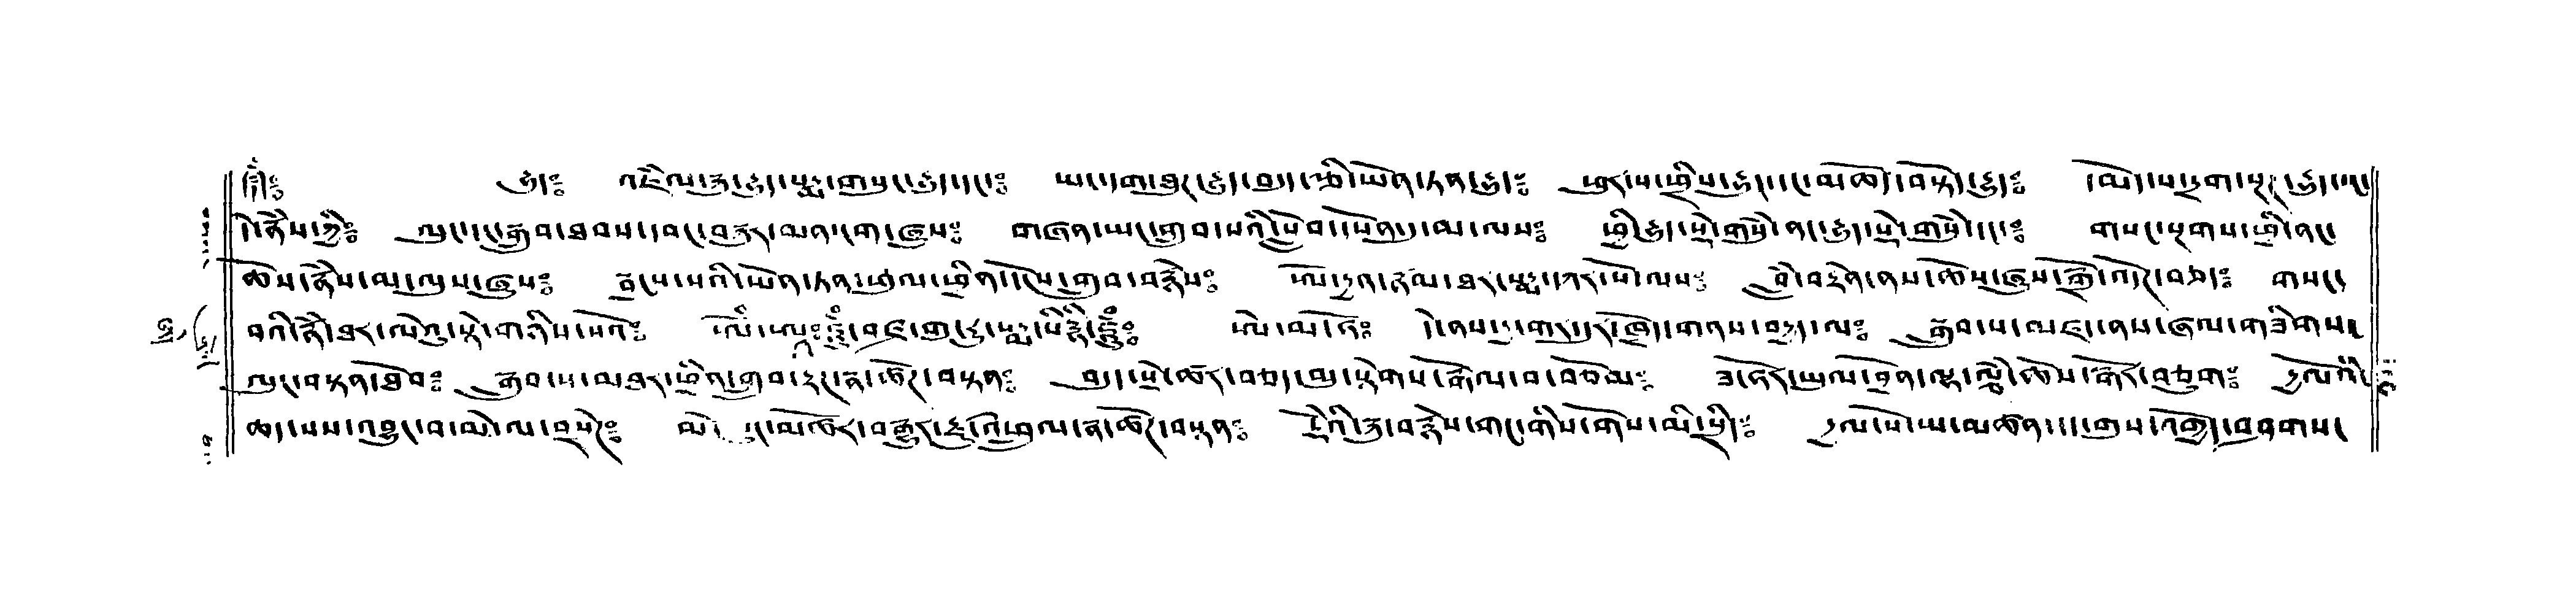རྒྱུད༔ འཇམ་དཔལ་སྐུ་རྒྱུད་པདྨ་གསུང་རྒྱུད་དང༔ ཡང་དག་ཐུགས་རྒྱུད་བདུད་རྩི་ཡོན་ཏན་རྒྱུད༔ ཕུར་པ་ཕྲིན་ལས་རྒྱུད་དང་མཆོད་བསྟོད་རྒྱུད༔ དམོད་པ་དྲག་སྔགས་རྒྱུད་དང་
དེ་རྣམས་ཀྱི༔ ལུང་དང་སྒྲུབ་ཐབས་དབང་བསྐུར་མན་ངག་ཞུས༔ གཞན་ཡང་གྲུབ་པའི་སློབ་དཔོན་དུ་མ་ལས༔ ཕྱི་རྒྱུད་སྡེ་གསུམ་ནང་རྒྱུད་སྡེ་གསུམ་དང༔ གསང་སྔགས་ཕྱི་ནང་
ཆོས་རྣམས་མ་ལུས་ཞུས༔ སྦྱངས་པའི་ཡོན་ཏན་ཕུལ་ཕྱིན་དངོས་གྲུབ་བརྙེས༔ ཨོ་རྒྱན་རྣམ་ཐར་པདྨ་དཀར་པོ་ལས༔ བླ་མ་བསྟེན་ནས་ཆོས་ཞུས་སྒྲོ་འདོགས་བཅད༔ གསང་
བའི་རྣམ་ཐར་ལེའུ་སྟེ་གཉིས་པའོ༔ ཨོཾ་ཨཱཿཧཱུྃ་བཛྲ་གུ་རུ་པདྨ་སིདྡྷི་ཧཱུྃ༔ ཨེ་མ་ཧོ༔ དེ་ནས་རྒྱ་གར་དུར་ཁྲོད་གནས་བརྒྱད་ལ༔ སྒྲུབ་པ་མཛད་ནས་ཞལ་གཟིགས་
ལུང་བསྟན་ཐོབ༔ སྒྲུབ་པ་མཐར་ཕྱིན་གྲུབ་རྟགས་སྣ་ཚོགས་བསྟན༔ བདུད་སྡེ་ཚར་བཅད་མུ་སྟེགས་རྒོལ་བ་བཅོམ༔ ཟ་ཧོར་ཡུལ་བྱོན་ལྷ་ལྕམ་ཆོས་སྒོར་བཅུག༔ རྒྱལ་པོའི་
ཆད་པས་འབྱུང་བ་མེ་ལ་བསྲེགས༔ མེ་དཔུང་མཚོར་བསྒྱུར་རྫུ་འཕྲུལ་སྣ་ཚོགས་བསྟན༔ རྡོ་རྗེའི་སྐུ་བརྙེས་གང་གིས་གོས་མི་སྲིད༔ རྒྱལ་པོ་ཡ་མཚན་དད་གུས་འགྱོད་བཤགས་